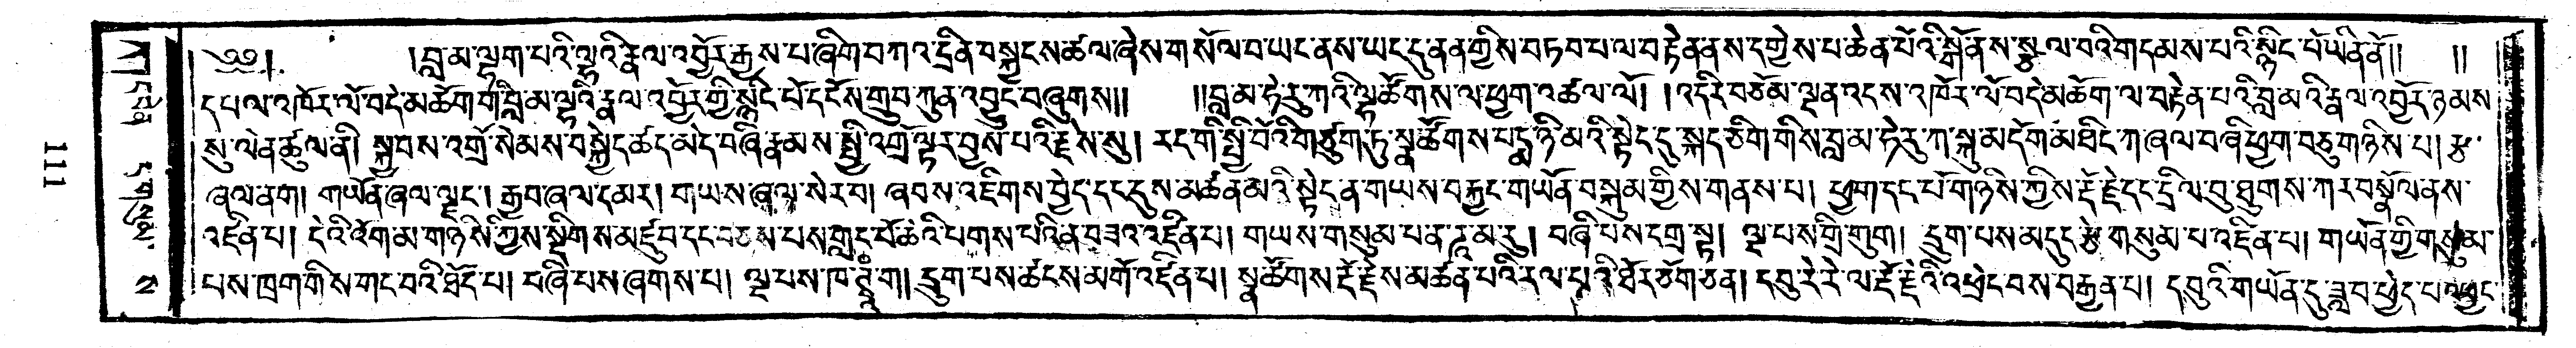༄༅། །བླ་མ་ལྷག་པའི་ལྷའི་རྣལ་འབྱོར་རྒྱས་པ་ཞིག་བཀའ་དྲིན་བསྐྱངས་ཚལ་ཞེས་གསོལ་བ་ཡང་ནས་ཡང་དུ་ནན་གྱིས་བཏབ་པ་ལ་བརྟེན་ནས་དགྱེས་པ་ཆེན་པོའི་སྒོ་ནས་སྩལ་བའི་གདམས་པའི་སྙིང་པོ་ཡིན་ནོ།། །།
དཔལ་འཁོར་ལོ་བདེ་མཆོག་གི་བླ་མ་ལྷའི་རྣལ་འབྱོར་གྱི་སྙིང་པོ་དངོས་གྲུབ་ཀུན་འབྱུང་བཞུགས།། །།བླ་མ་ཧེ་རུ་ཀའི་ལྷ་ཚོགས་ལ་ཕྱག་འཚལ་ལོ། །འདིར་བཅོམ་ལྡན་འདས་འཁོར་ལོ་བདེ་མཆོག་ལ་བརྟེན་པའི་བླ་མའི་རྣལ་འབྱོར་ཉམས་
སུ་ལེན་ཚུལ་ནི། སྐྱབས་འགྲོ་སེམས་བསྐྱེད་ཚད་མེད་བཞི་རྣམས་སྤྱི་འགྲོ་ལྟར་བྱས་པའི་རྗེས་སུ། རང་གི་སྤྱི་བོའི་གཙུག་ཏུ་སྣ་ཚོགས་པདམ་ཉི་མའི་སྟེང་དུ་སྐད་ཅིག་གིས་བླ་མ་ཧེ་རུ་ཀ་སྐུ་མདོག་མཐིང་ཀ་ཞལ་བཞི་ཕྱག་བཅུ་གཉིས་པ། རྩ་
ཞལ་ནག། གཡོན་ཞལ་ལྗང་། རྒྱབ་ཞལ་དམར། གཡས་ཞལ་སེར་བ། ཞབས་འཇིགས་བྱེད་དང་དུས་མཚན་མའི་སྟེང་ན་གཡས་བརྐྱང་གཡོན་བསྐུམ་གྱིས་གནས་པ། ཕྱག་དང་པོ་གཉིས་ཀྱིས་རྡོ་རྗེ་དང་དྲིལ་བུ་ཐུགས་ཀར་བསྣོལ་ནས་
འཛིན་པ། དེའི་འོག་མ་གཉིས་ཀྱིས་སྡིགས་མཛུབ་དང་བཅས་པས་གླང་པོ་ཆེའི་པགས་པའི་ན་བཟའ་འཛིན་པ། གཡས་གསུམ་པ་ན་ཌཱ་མ་རུ། བཞི་པས་དགྲ་སྟ། ལྔ་པས་གྲི་གུག། དྲུག་པས་མདུད་རྩེ་གསུམ་པ་འཛིན་པ། གཡོན་གྱི་གསུམ་
པས་ཁྲག་གིས་གང་བའི་ཐོད་པ། བཞི་པས་ཞགས་པ། ལྔ་པས་ཁ་ཊྭཱཾ་ག། དྲུག་པས་ཚངས་མགོ་འཛིན་པ། སྣ་ཚོགས་རྡོ་རྗེས་མཚན་པའི་རལ་པའི་ཐོར་ཅོག་ཅན། དབུ་རེ་རེ་ལ་རྡོ་རྗེའི་འཕྲེང་བས་བརྒྱན་པ། དབུའི་གཡོན་དུ་ཟླ་བ་ཕྱེད་པ་འཕྱང་